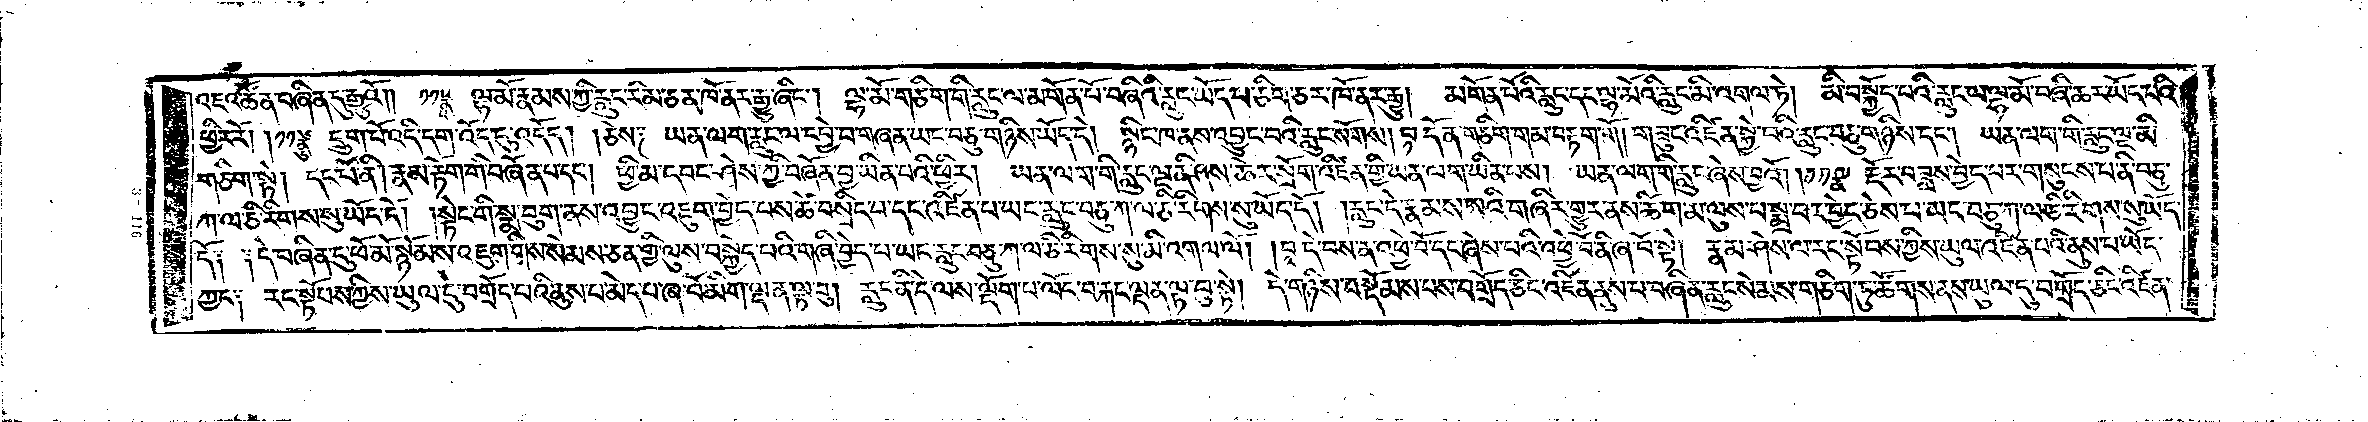འཇའ་ཚོན་བཞིན་དུ་རྒྱུའོ། །༡༡༥་ལྷ་མོ་རྣམས་ཀྱི་རླུང་རིམ་ཅན་ཁོ་ནར་རྒྱུ་ཞིང་། ལྷ་མོ་གཅིག་གི་རླུང་ལ་མགོན་པོ་བཞིའི་རླུང་ཡོད་པ་ཅིག་ཅར་ཁོ་ནར་རྒྱུ། མགོན་པོའི་རླུང་དང་ལྷ་མོའི་རླུང་མི་འགལ་ཏེ། མི་བསྐྱོད་པའི་རླུང་ལ་ལྷ་མོ་བཞི་ཆར་ཡོད་པའི་
ཕྱིར་རོ། །༡༡༦་དྲུག་པོ་འདི་དག་འོད་དུ་འདོད། །ཅེས༑ ཡན་ལག་རླུང་ལ་དབྱེ་བ་གཞན་ཡང་བཅུ་གཉིས་ཡོད་དེ། སྙིང་ཁ་ནས་འབྱུང་བའི་རླུང་སོགས། བ་དོན་གཅིག་གམ་བརྟག་གོ། །གཟུང་འཛིན་སྐྱེ་བའི་རླུང་བཅུ་གཉིས་དང་། ཡན་ལག་གི་རླུང་ལྔ་མི་
གཅིག་སྟེ། དང་པོ་ནི། རྣམ་རྟོག་གི་བཞོན་པ་དང་། ཕྱི་མ་དབང་ཤེས་ཀྱི་བཞོན་བྱ་ཡིན་པའི་ཕྱིར། ཡན་ལག་གི་རླུང་ལྔ་ནི་ཤེས་ཆེར་སྟོག་འཛིན་གྱི་ཡན་ལག་ཡིན་པས། ཡན་ལག་གི་རླུང་ཞེས་བྱའོ། །༡༡༧་རྡོར་བཟླས་བྱེད་པར་གསུངས་པ་ནི་བཅུ་
ཀ་ལ་ཅི་རིགས་སུ་ཡོད་དོ། །སྟེང་གི་སྨ་བུག་ནས་འབྱུང་འཇུག་བྱེད་པས་ཚེ་བསྲིད་པ་དང་འཛིན་པ་ཡང་རླུང་བཅུ་ཀ་ལ་ཅི་རིགས་སུ་ཡོད་དོ། །རླུང་དེ་རྣམས་སའི་གཞིར་གྱུར་ནས་ཚིག་མ་ལུས་པ་སྨྲ་བར་བྱེད་ཅེས་པ་ཡང་བཅུ་ཀ་ལ་ཅི་རིགས་སུ་ཡོད་
དོ༑ ༑དེ་བཞིན་དུ་ཕོ་མོ་སྙོམས་འཇུག་གིས་སེམས་ཅན་གྱི་ལུས་བསྐྱེད་པའི་གཞི་བྱེད་པ་ཡང་རླུང་བཅུ་ཀ་ལ་ཅི་རིགས་སུ་མི་འགལ་ལོ། །བ་དེ་བས་ན་འཕྱེ་བོ་དང་ཞེས་པའི་འཕྱེ་བོ་ནི་ཞི་བོ་སྟེ། རྣམ་ཤེས་ལ་རང་སྟོབས་ཀྱིས་ཡུལ་འཛིན་པའི་ནུས་པ་ཡོད་
ཀྱང༑ རང་སྟོབས་ཀྱིས་ཡུལ་དུ་བགྲོད་པའི་ནུས་པ་མེད་པ་ཞ་བོ་མིག་ལྡན་ལྟ་བུ། རླུང་ནི་དེ་ལས་ལྡོག་པ་ལོང་བ་རྐང་ལྡན་ལྟ་བུ་སྟེ། དེ་གཉིས་བསྡོམས་པས་བགྲོད་ཅིང་འཛིན་ནུས་པ་བཞིན་རླུང་སེམས་གཅིག་ཏུ་ཚོགས་ནས་ཡུལ་དུ་བགྲོད་ཅིང་འཛིན་